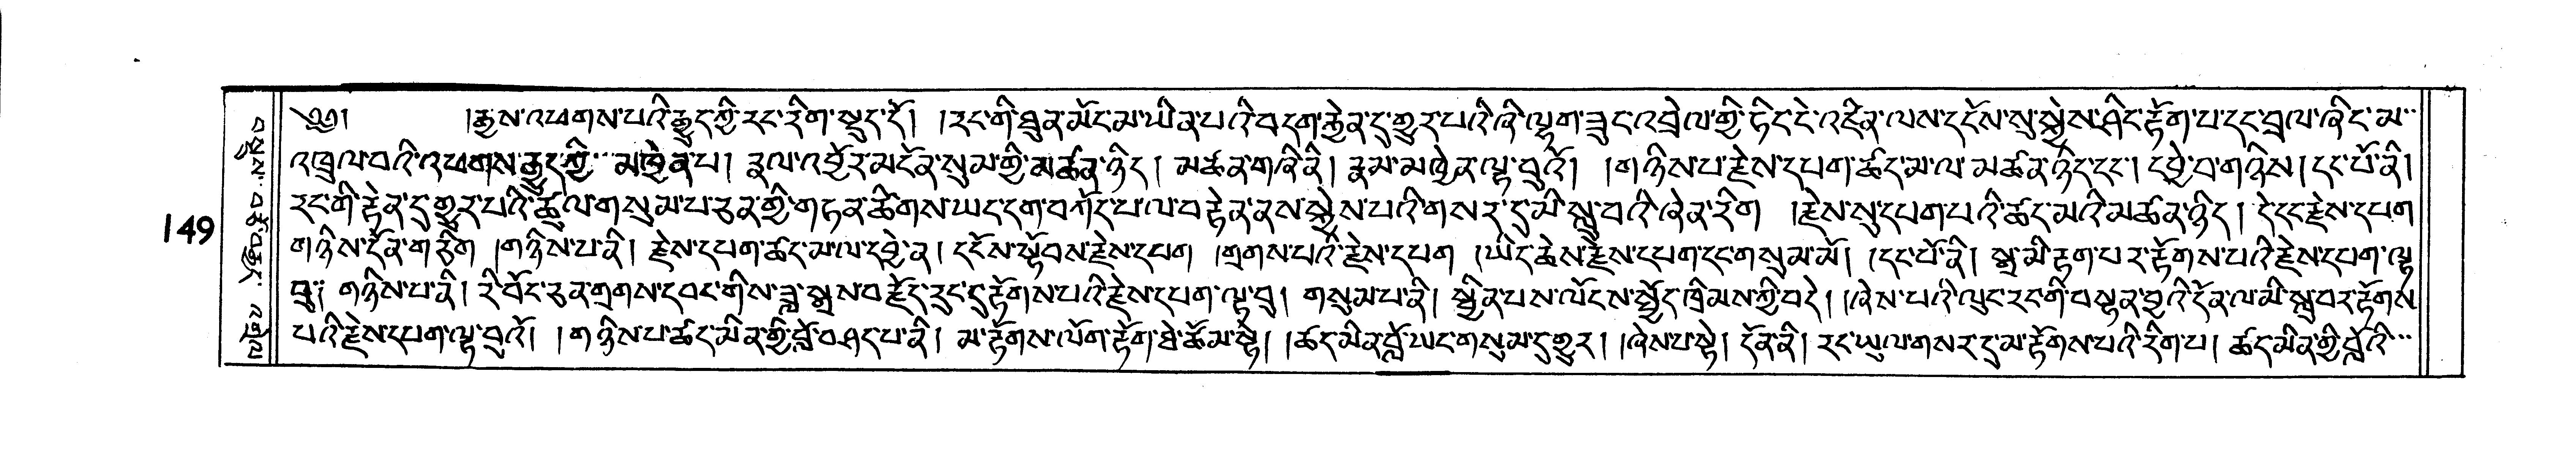༄༅། །རྒྱས་འཕགས་པའི་རྒྱུད་ཀྱི་རང་རིག་སྡུད་དོ། །རང་གི་ཐུན་མོང་མ་ཡིན་པའི་བདག་རྐྱེན་དུ་གྱུར་པའི་ཞི་ལྷག་ཟུང་འབྲེལ་གྱི་ཏིང་ངེ་འཛིན་ལས་དངོས་སུ་སྐྱེས་ཤིང་རྟོག་པ་དང་བྲལ་ཞིང་མ་
འཁྲུལ་པའི་འཕགས་རྒྱུད་ཀྱི་མཁྱེན་པ། རྣལ་འབྱོར་མངོན་སུམ་གྱི་མཚན་ཉིད། མཚན་གཞི་ནི། རྣམ་མཁྱེན་ལྟ་བུའོ། །གཉིས་པ་རྗེས་དཔག་ཚད་མ་ལ་མཚན་ཉིད་དང་། དབྱེ་བ་གཉིས། དང་པོ་ནི།
རང་གི་རྟེན་དུ་གྱུར་པའི་ཚུལ་གསུམ་པ་ཅན་གྱི་གཏན་ཚིགས་ཡང་དག་བཀོད་པ་ལ་བརྟེན་ནས་སྐྱེས་པའི་གསར་དུ་མི་སླུ་བའི་ཞེན་རིག །རྗེས་སུ་དཔག་པའི་ཚད་མའི་མཚན་ཉིད། དེ་དང་རྗེས་དཔག་
གཉིས་དོན་གཅིག །གཉིས་པ་ནི། རྗེས་དཔག་ཚད་མ་ལ་དབྱེ་ན། དངོས་སྟོབས་རྗེས་དཔག །གྲགས་པའི་རྗེས་དཔག །ཡིད་ཆེས་རྗེས་དཔག་དང་གསུམ་མོ། །དང་པོ་ནི། སྒྲ་མི་རྟག་པར་རྟོགས་པའི་རྗེས་དཔག་ལྟ་
བུ༑ གཉིས་པ་ནི། རི་བོང་ཅན་གྲགས་དབང་གི་ཟླ་སྒྲས་བརྗོད་རུང་དུ་རྟོགས་པའི་རྗེས་དཔག་ལྟ་བུ། གསུམ་པ་ནི། སྦྱིན་པས་ལོངས་སྤྱོད་ཁྲིམས་ཀྱི་བདེ། །ཞེས་པའི་ལུང་རང་གི་བསྟན་བྱའི་དོན་ལ་མི་སླུ་བར་རྟོགས་
པའི་རྗེས་དཔག་ལྟ་བུའོ། །གཉིས་པ་ཚད་མིན་གྱི་བློ་བཤད་པ་ནི། མ་རྟོགས་ལོག་རྟོག་ཐེ་ཚོམ་སྟེ། །ཚད་མིན་བློ་ཡང་གསུམ་དུ་གྱུར། །ཞེས་པ་སྟེ། དོན་ནི། རང་ཡུལ་གསར་དུ་མ་རྟོགས་པའི་རིག་པ། ཚད་མིན་གྱི་བློའི་